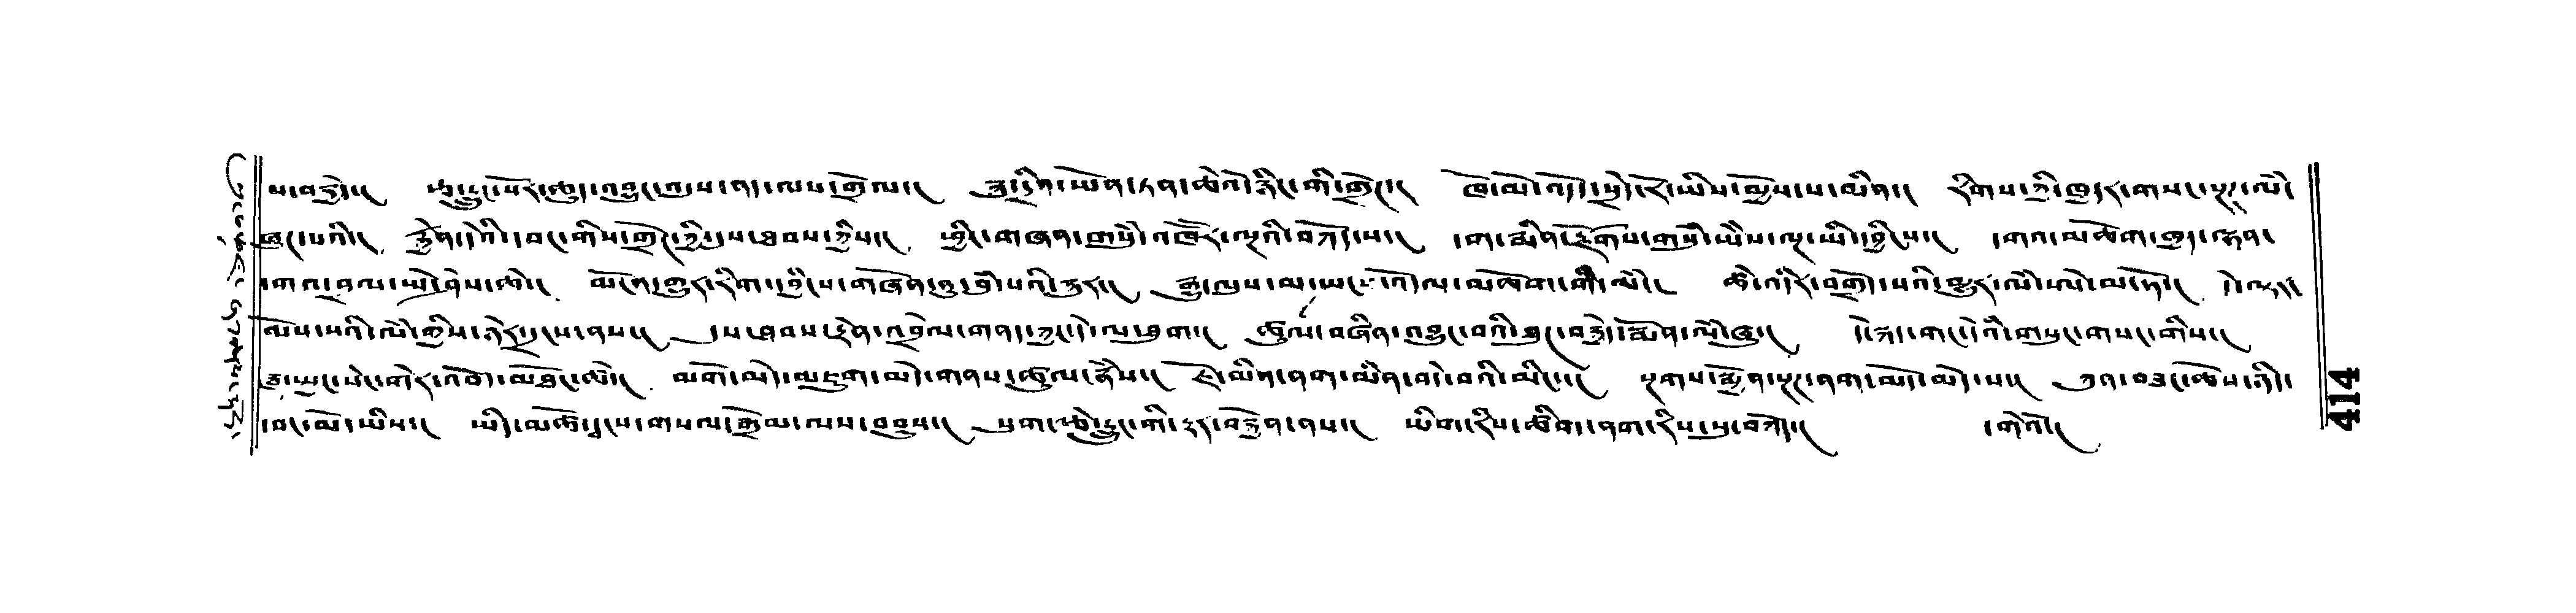པ་བསྐྱེད། །རྩ་རླུང་སོར་ཆུད་འབྱུང་འདུས་ནད་ལས་གྲོལ། །སྐུ་དྲིན་ཡོན་ཏན་ཆེའོ་སྙིང་གི་གྲོགས། ཁོ་མོ་འདོད་སྲེད་རོ་ཡིས་མྱོས་པ་མིན། །རིགས་ཀྱི་ཁྱད་པར་གསང་སྔགས་ལམ་
ཞུགས་པའི། །རྐྱེན་དེའི་དབང་གིས་གྲོགས་ཀྱི་དུས་ཐབས་ཀྱིས། །ཕྱི་ནང་གཞན་གསུམ་འཁོར་ལོ་ལྔའི་བཀོད་པ། །དག་སྨིན་རྫོགས་གསུམ་ཡེ་ཤེས་ལྔ་ཡི་དབྱིངས། །དགའ་མཆོག་ཁྱད་ལྷན་
དགའ་བྲལ་ཡེ་ཤེས་ཆེ། །མངོན་གྱུར་རིག་དབྱིངས་གཞོན་ནུ་བུམ་པའི་སྐུར། །སྒྱུ་ལས་མ་སྤངས་འོད་གསལ་མཆོག་གི་ལམ། །ཚེ་འདིར་བགྲོད་པའི་མྱུར་ལམ་ཨེ་མ་ཧོ། །དེ་ལྟར་
མོས་པའི་ལམ་གྱིས་ཉེར་དྲངས་ནས། །དུས་ཐབས་རྟེན་འབྲེལ་གནད་ཀྱང་དེ་ལ་ཐུག །ཚུལ་བཞིན་འབྱུང་བའི་ཐུགས་བསྐྱེད་སྨོན་ལམ་ཞུ། །དེ་སྐད་གང་དེའི་གསུང་གསང་གིས། །
ཝ་སྤྱང་སེང་གེར་འབོད་མཐོང་ཚེ། །མགོ་མེད་མཇུག་མེད་གནས་ཚུལ་རྣམས། །ཇོ་མིན་ནག་མིན་བདེ་བའི་མིང་། །སྔགས་སྨྱོན་སྔགས་ནག་མདོ་མེད་པ། །ཀུན་བཟང་ཆོས་ཉིད་
དབང་མོ་ཡིས། །ཡིད་མཚོ་དྭངས་གསལ་སྒྲོམ་ལས་བཤུས། །སུག་རྩེ་རླུང་གི་རྟར་བསྐྱོན་ནས། །ཡིག་རིས་ཚིག་ནག་རིས་སུ་བཀོད། དགེའོ།།